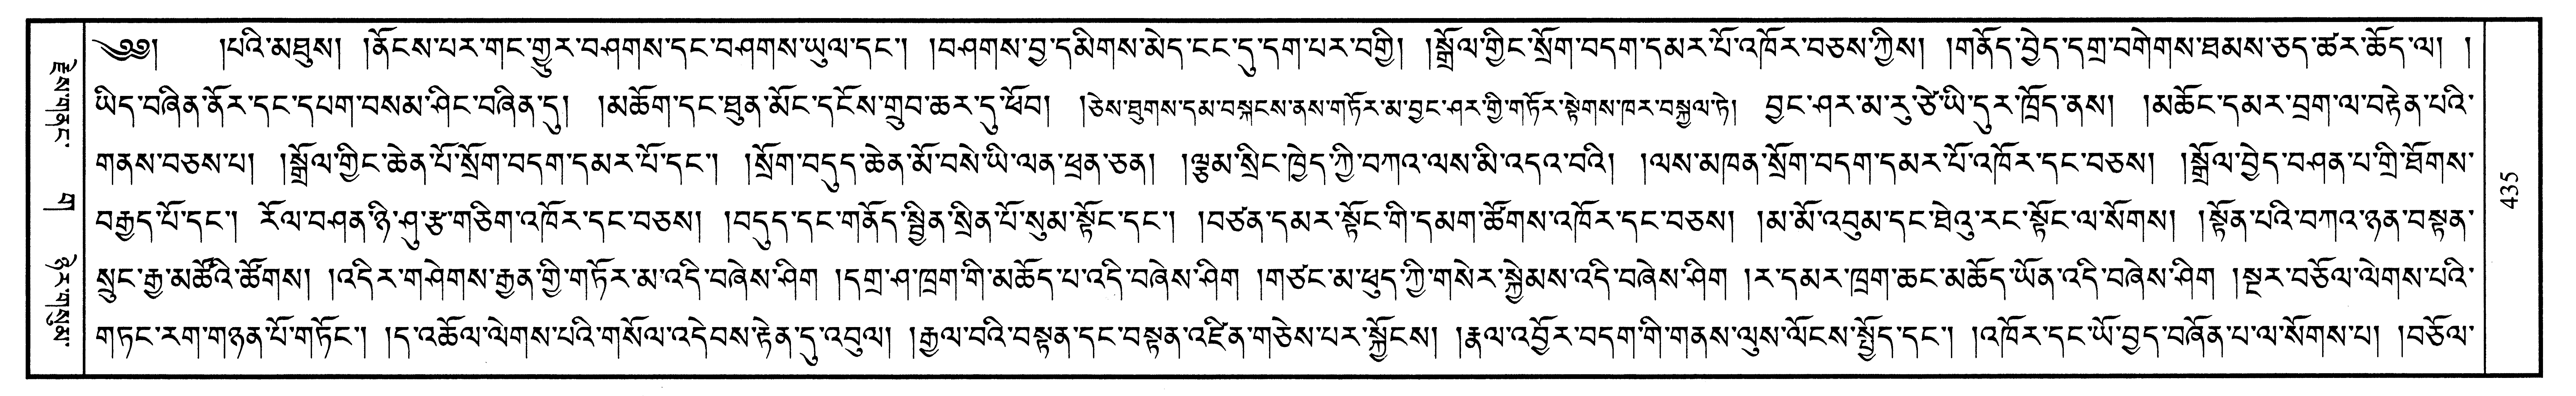༄༅། །པའི་མཐུས། །ནོངས་པར་གང་གྱུར་བཤགས་དང་བཤགས་ཡུལ་དང་། །བཤགས་བྱ་དམིགས་མེད་ངང་དུ་དག་པར་བགྱི། །སྒྲོལ་གྱིང་སྲོག་བདག་དམར་པོ་འཁོར་བཅས་ཀྱིས། །གནོད་བྱེད་དགྲ་བགེགས་ཐམས་ཅད་ཚར་ཆོད་ལ། །
ཡིད་བཞིན་ནོར་དང་དཔག་བསམ་ཤིང་བཞིན་དུ། །མཆོག་དང་ཐུན་མོང་དངོས་གྲུབ་ཆར་དུ་ཕོབ། །ཅེས་ཐུགས་དམ་བསྐངས་ནས་གཏོར་མ་བྱང་ཤར་གྱི་གཏོར་སྟེགས་ཁར་བསྐྱལ་ཏེ། བྱང་ཤར་མ་རུ་ཙེ་ཡི་དུར་ཁྲོད་ནས། །མཆོང་དམར་བྲག་ལ་བརྟེན་པའི་
གནས་བཅས་པ། །སྒྲོལ་གྱིང་ཆེན་པོ་སྲོག་བདག་དམར་པོ་དང་། །སྲོག་བདུད་ཆེན་མོ་བསེ་ཡི་ལན་ཕྲན་ཅན། །ལྕམ་སྲིང་ཁྱེད་ཀྱི་བཀའ་ལས་མི་འདའ་བའི། །ལས་མཁན་སྲོག་བདག་དམར་པོ་འཁོར་དང་བཅས། །སྒྲོལ་བྱེད་བཤན་པ་གྲི་ཐོགས་
བརྒྱད་པོ་དང་། རོལ་བཤན་ཉི་ཤུ་རྩ་གཅིག་འཁོར་དང་བཅས། །བདུད་དང་གནོད་སྦྱིན་སྲིན་པོ་སུམ་སྟོང་དང་། །བཙན་དམར་སྟོང་གི་དམག་ཚོགས་འཁོར་དང་བཅས། །མ་མོ་འབུམ་དང་ཐེའུ་རང་སྟོང་ལ་སོགས། །སྟོན་པའི་བཀའ་ཉན་བསྟན་
སྲུང་རྒྱ་མཚོའི་ཚོགས། །འདིར་གཤེགས་རྒྱན་གྱི་གཏོར་མ་འདི་བཞེས་ཤིག །དགྲ་ཤ་ཁྲག་གི་མཆོད་པ་འདི་བཞེས་ཤིག །གཙང་མ་ཕུད་ཀྱི་གསེར་སྐྱེམས་འདི་བཞེས་ཤིག །ར་དམར་ཁྲག་ཆང་མཆོད་ཡོན་འདི་བཞེས་ཤིག །སྔར་བཅོལ་ལེགས་པའི་
གཏང་རག་གཉན་པོ་གཏོང་། །ད་འཆོལ་ལེགས་པའི་གསོལ་འདེབས་རྟེན་དུ་འབུལ། །རྒྱལ་བའི་བསྟན་དང་བསྟན་འཛིན་གཅེས་པར་སྐྱོངས། །རྣལ་འབྱོར་བདག་གི་གནས་ལུས་ལོངས་སྤྱོད་དང་། །འཁོར་དང་ཡོ་བྱད་བཞོན་པ་ལ་སོགས་པ། །བཅོལ་